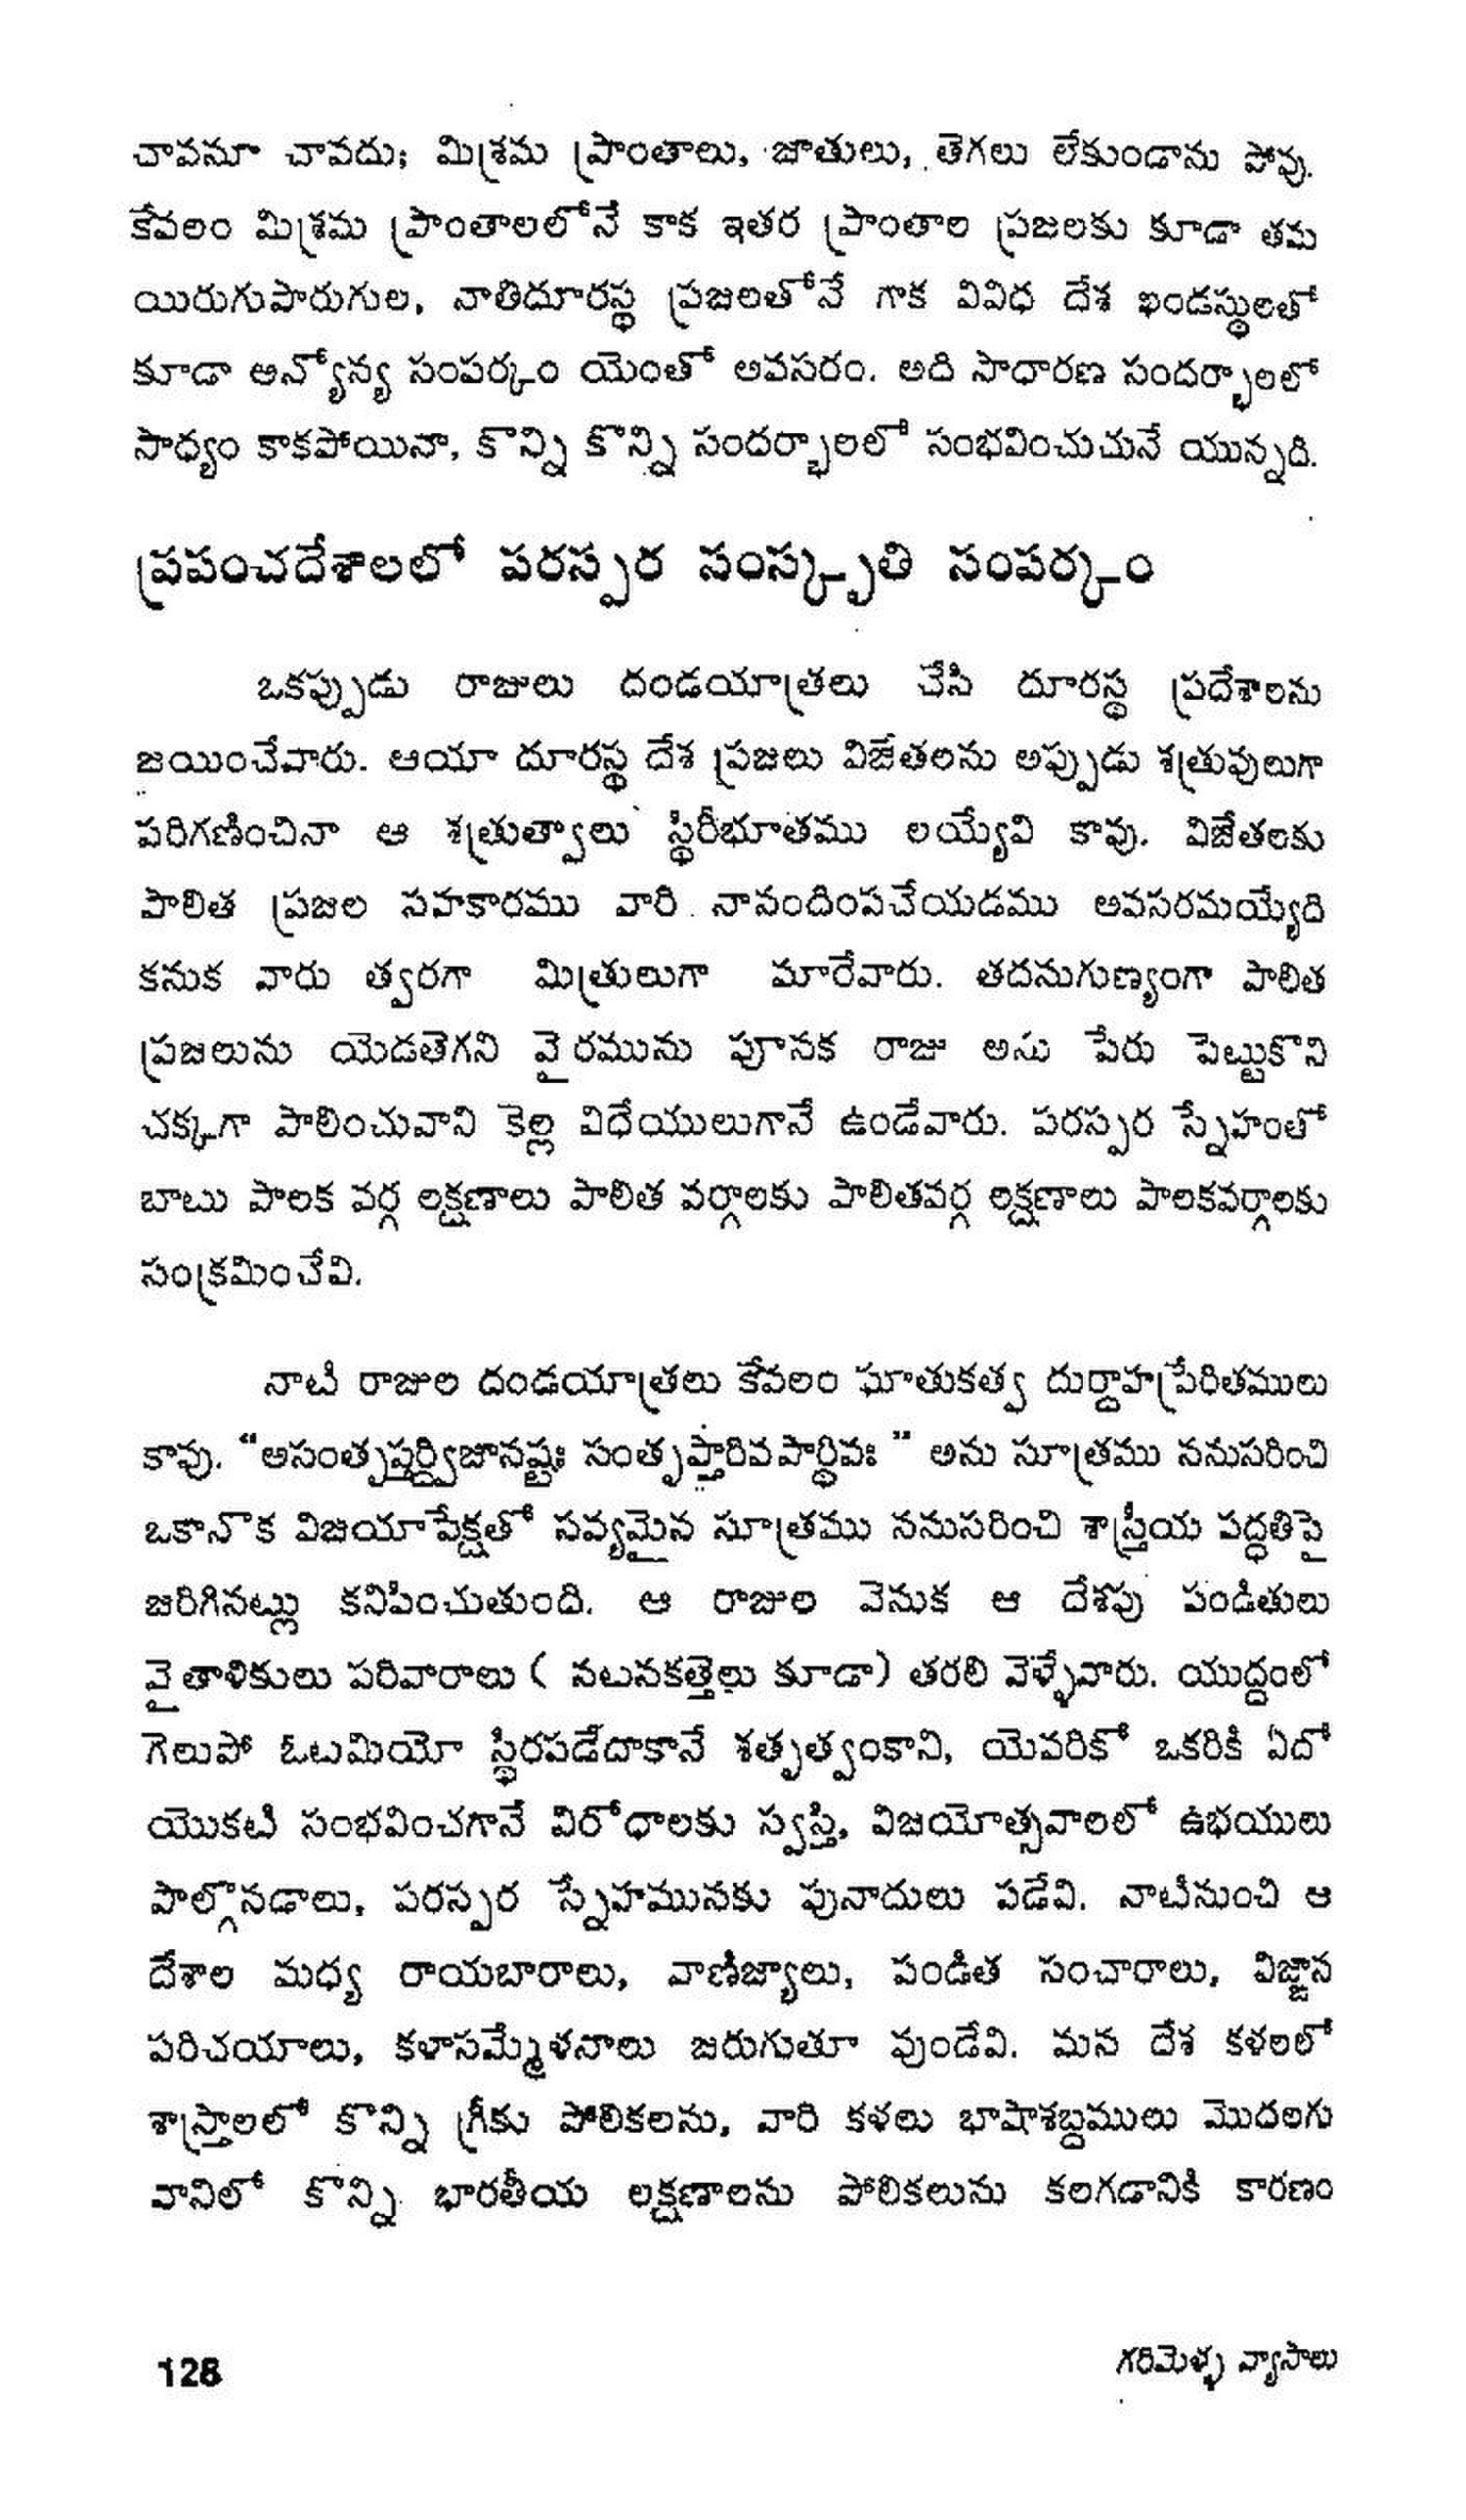చావనూ చావదు; మిశ్రమ ప్రాంతాలు, జాతులు, తెగలు లేకుండాను పోవు. కేవలం మిశ్రమ ప్రాంతాలలోనే కాక ఇతర ప్రాంతాల ప్రజలకు కూడా తమ యిరుగుపొరుగుల, నాతిదూరస్థ ప్రజలతోనే గాక వివిధ దేశ ఖండస్థులతో కూడా అన్యోన్య సంపర్కం యెంతో అవసరం. అది సాధారణ సందర్భాలలో సాధ్యం కాకపోయినా, కొన్ని కొన్ని సందర్భాలలో సంభవించుచునే యున్నది.

ప్రపంచదేశాలలో పరస్పర సంస్కృతి సంపర్కం
 
ఒకప్పుడు రాజులు దండయాత్రలు చేసి దూరస్థ ప్రదేశాలను జయించేవారు. ఆయా దూరస్థ దేశ ప్రజలు విజేతలను అప్పుడు శత్రువులుగా పరిగణించినా ఆ శత్రుత్వాలు స్థిరీభూతము లయ్యేవి కావు. విజేతలకు పాలిత ప్రజల సహకారము వారి నానందింపచేయడము అవసరమయ్యేది కనుక వారు త్వరగా మిత్రులుగా మారేవారు. తదనుగుణ్యంగా పాలిత ప్రజలను యెడతెగని వైరమును పూనక రాజు అను పేరు పెట్టుకొని చక్కగా పాలించువాని కెల్ల విధేయులుగానే ఉండేవారు. పరస్పర స్నేహంతో బాటు పాలక వర్గ లక్షణాలు పాలిత వర్గాలకు పాలితవర్గ లక్షణాలు పాలకవర్గాలకు సంక్రమించేవి.

నాటి రాజుల దండయాత్రలు కేవలం ఘాతుకత్వ దుర్దాహప్రేరితములు కావు. "ఆసంతృప్తర్ద్విజానష్టః సంతృప్తారివపార్థివః" అను సూత్రము ననుసరించి ఒకానొక విజయాపేక్షతో సవ్యమైన సూత్రము ననుసరించి శాస్త్రీయ పద్ధతిపై జరిగినట్లు కనిపించుతుంది. ఆ రాజుల వెనుక ఆ దేశపు పండితులు వైతాళికులు పరివారాలు (నటనకత్తెలు కూడా) తరలి వెళ్ళేవారు. యుద్ధంలో గెలుపో ఓటమియో స్థిరపడేదాకానే శతృత్వంకాని, యెవరికో ఒకరికి ఏదో యొకటి సంభవించగానే విరోధాలకు స్వస్తి, విజయోత్సావాలలో ఉభయులు పాల్గొనడాలు, పరస్పర స్నేహమునకు పునాదులు పడేవి. నాటినుంచి ఆ దేశాల మధ్య రాయబారాలు, వాణిజ్యాలు, పండిత సంచారాలు, విజ్ఞాన పరిచయాలు, కళాసమ్మేళనాలు జరుగుతూ వుండేవి. మన దేశ కళలలో శాస్త్రాలలో కొన్ని గ్రీకు పోలికలను, వారి కళలు భాషాశబ్దములు మొదలగు వానిలో కొన్ని భారతీయ లక్షణాలను పోలికలును కలగడానికి కారణం